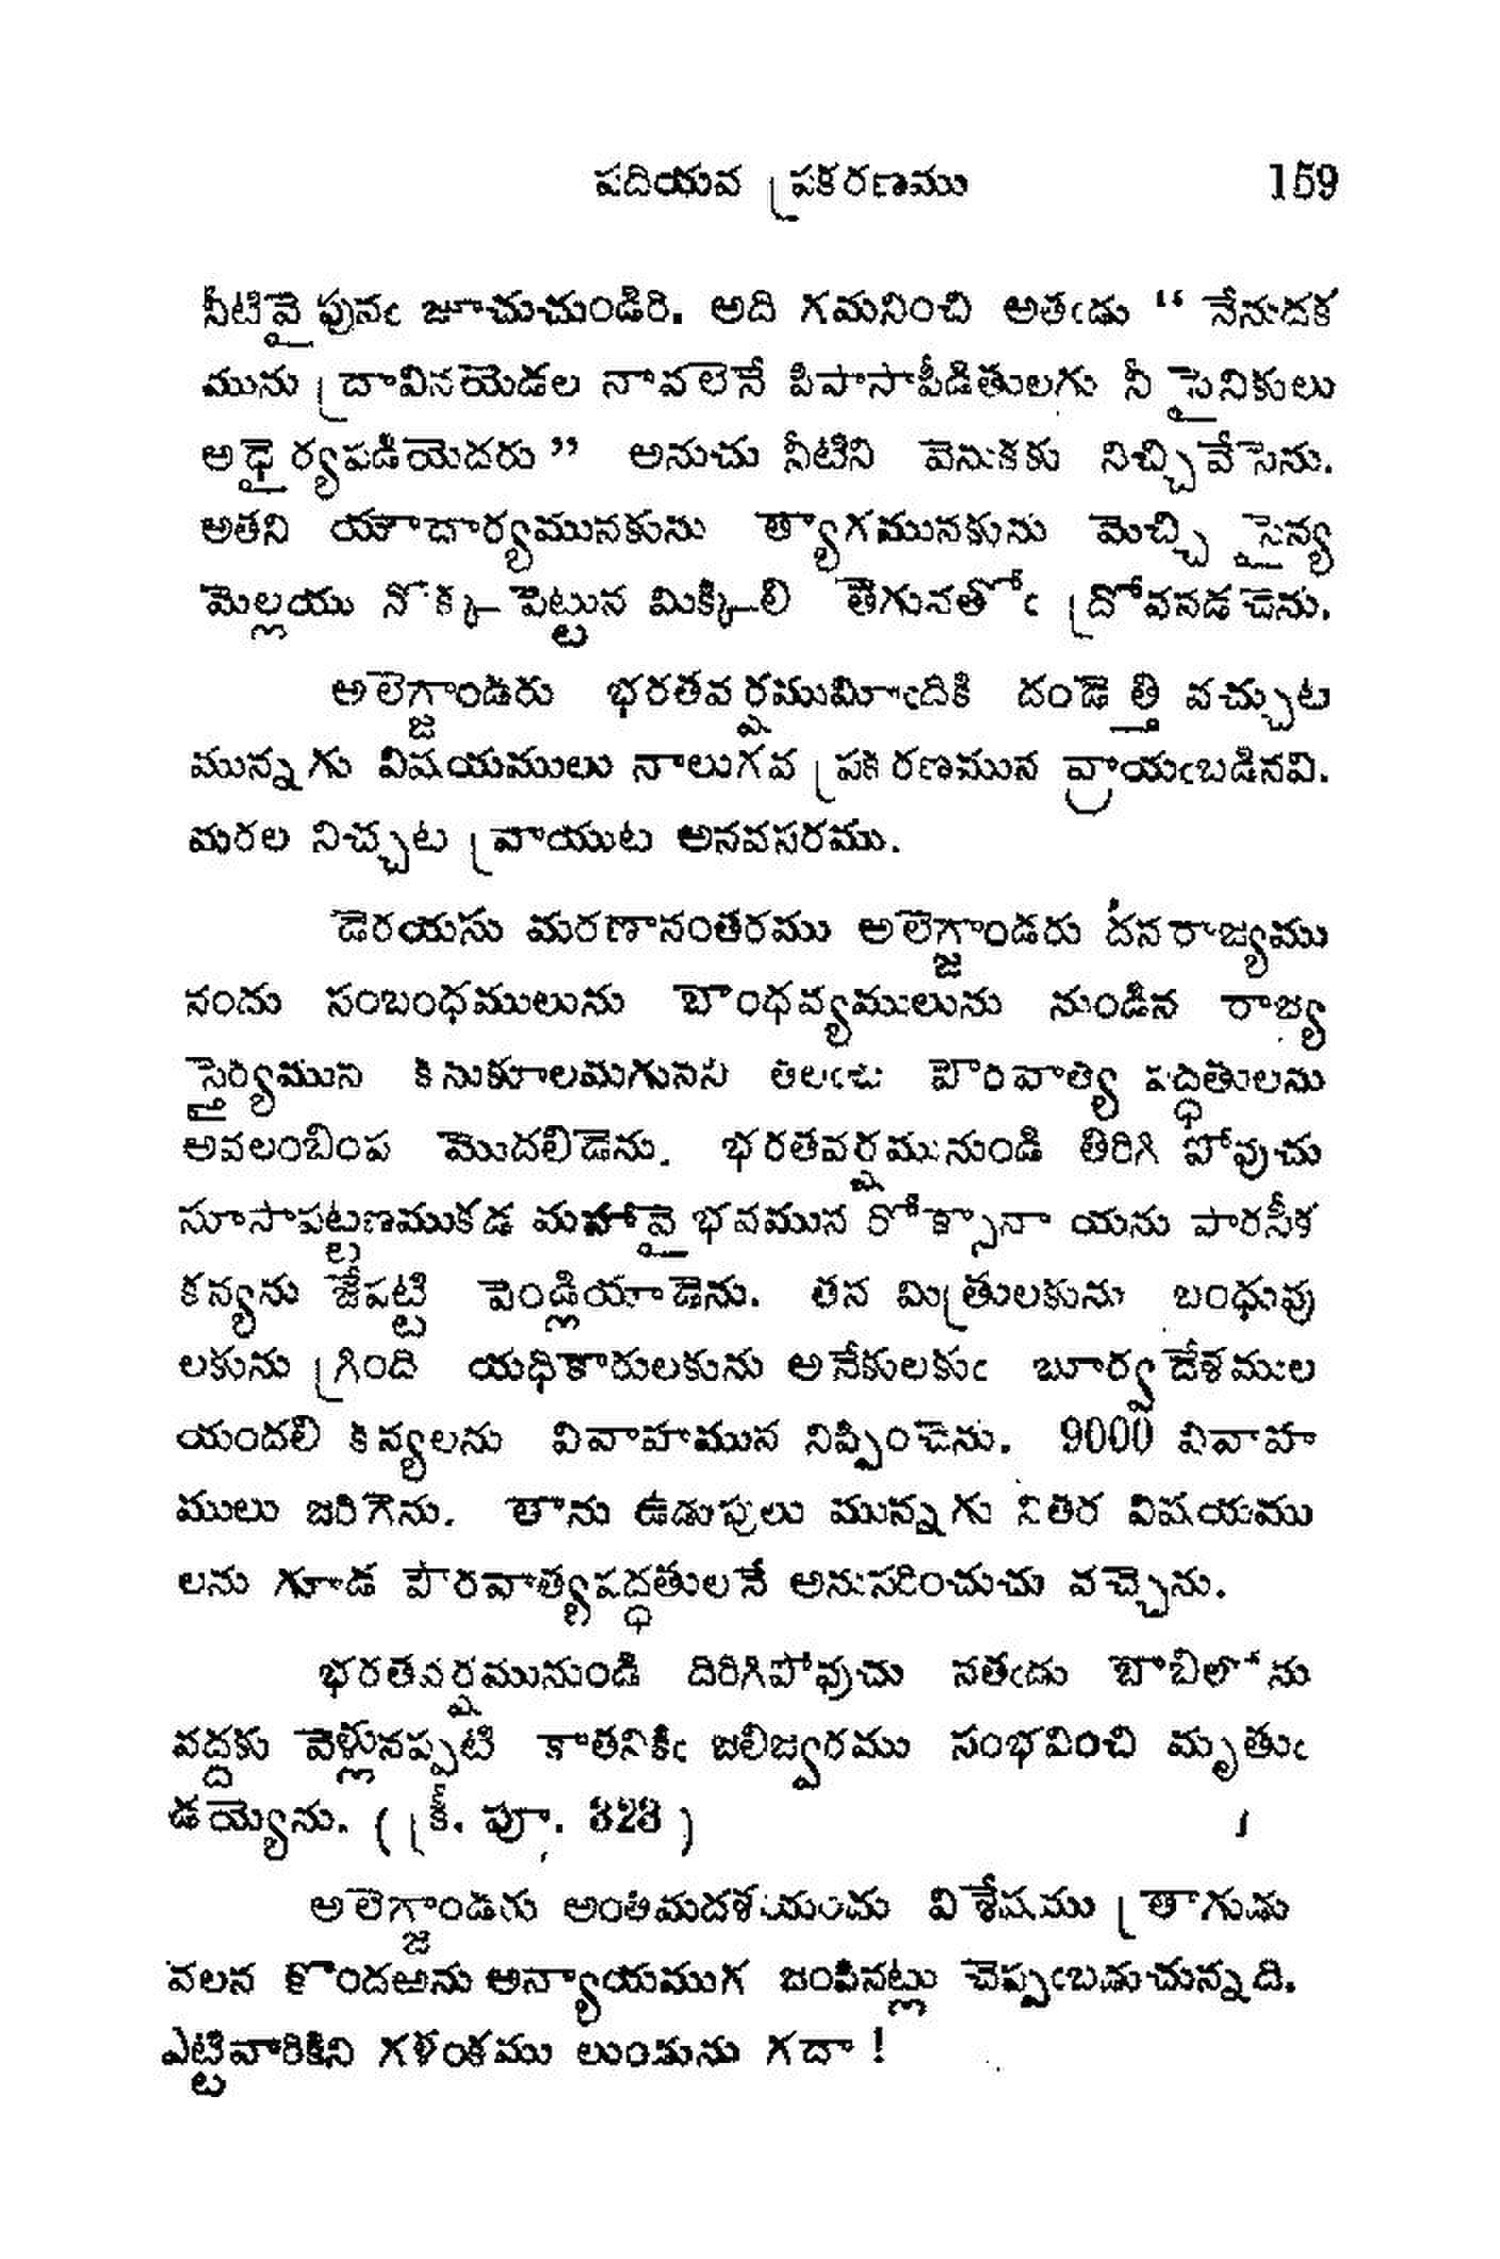నీటివైపునఁ జూచుచుండిరి. అది గమనించి అతఁడు "నేనుదకమును ద్రావినయెడల నావలెనే పిసాసాపీడితులగు నీ సైనికులు అధైర్యపడియెదరు" అనుచు నీటిని వెనుకకు నిచ్చివేసెను. అతని యౌదార్యమునకుసు త్యాగమునకును మెచ్చి సైన్య మెల్లయు నొక్క పెట్టున మిక్కిలి తెగువతో ద్రోవనడచెను.

అలెగ్జాండరు భరతవర్షముమీదికి దండెత్తి వచ్చుట మున్నగు విషయములు నాలుగవ ప్రకరణమున వ్రాయఁబడినవి. మరల నిచ్చట వ్రాయుట అనవసరము. -

డెరయసు మరణానంతరము అలెగ్జాండరు దనరాజ్యము నందు సంబంధములును బాంధవ్యములును నుండిన రాజ్యస్తైర్యమున కనుకూలమగునని తలఁచి పౌరవాత్య పద్దతులను అవలంబింప మొదలిడెను. భరతవర్షమునుండి తిరిగి పోవుచు సూసాపట్టణముకడ మహావైభవమున రోక్సానా యను పారసీక కన్యను జేపట్టి పెండ్లియాడెను. తన మిత్రులకును బంధువులకును గ్రింది యధికారులకును అనేకులకుఁ బూర్వదేశముల యందలి కన్యలను వివాహమున నిప్పించెను. 9000 వివాహములు జరిగెను. తాను ఉడుపులు మున్నగు ఇతర విషయములను గూడ పౌరవాత్యపద్ధతులనే అనుసరించుచు వచ్చెను.

భరతవర్షమునుండి దిరిగిపోవుచు నతఁడు బాబిలోను వద్దకు వెళ్లునప్పటి కాతనికిఁ జలిజ్వరము సంభవించి మృతుఁ డయ్యెను. ( క్రీ. పూ. 323)

అలెగ్జాండరు అంతిమదశయందు విశేషము త్రాగుడు వలన కొందఱను అన్యాయముగ జంపినట్లు చెప్పఁబడుచున్నది. ఎట్టివారికిని గళంకము లుండును గదా!